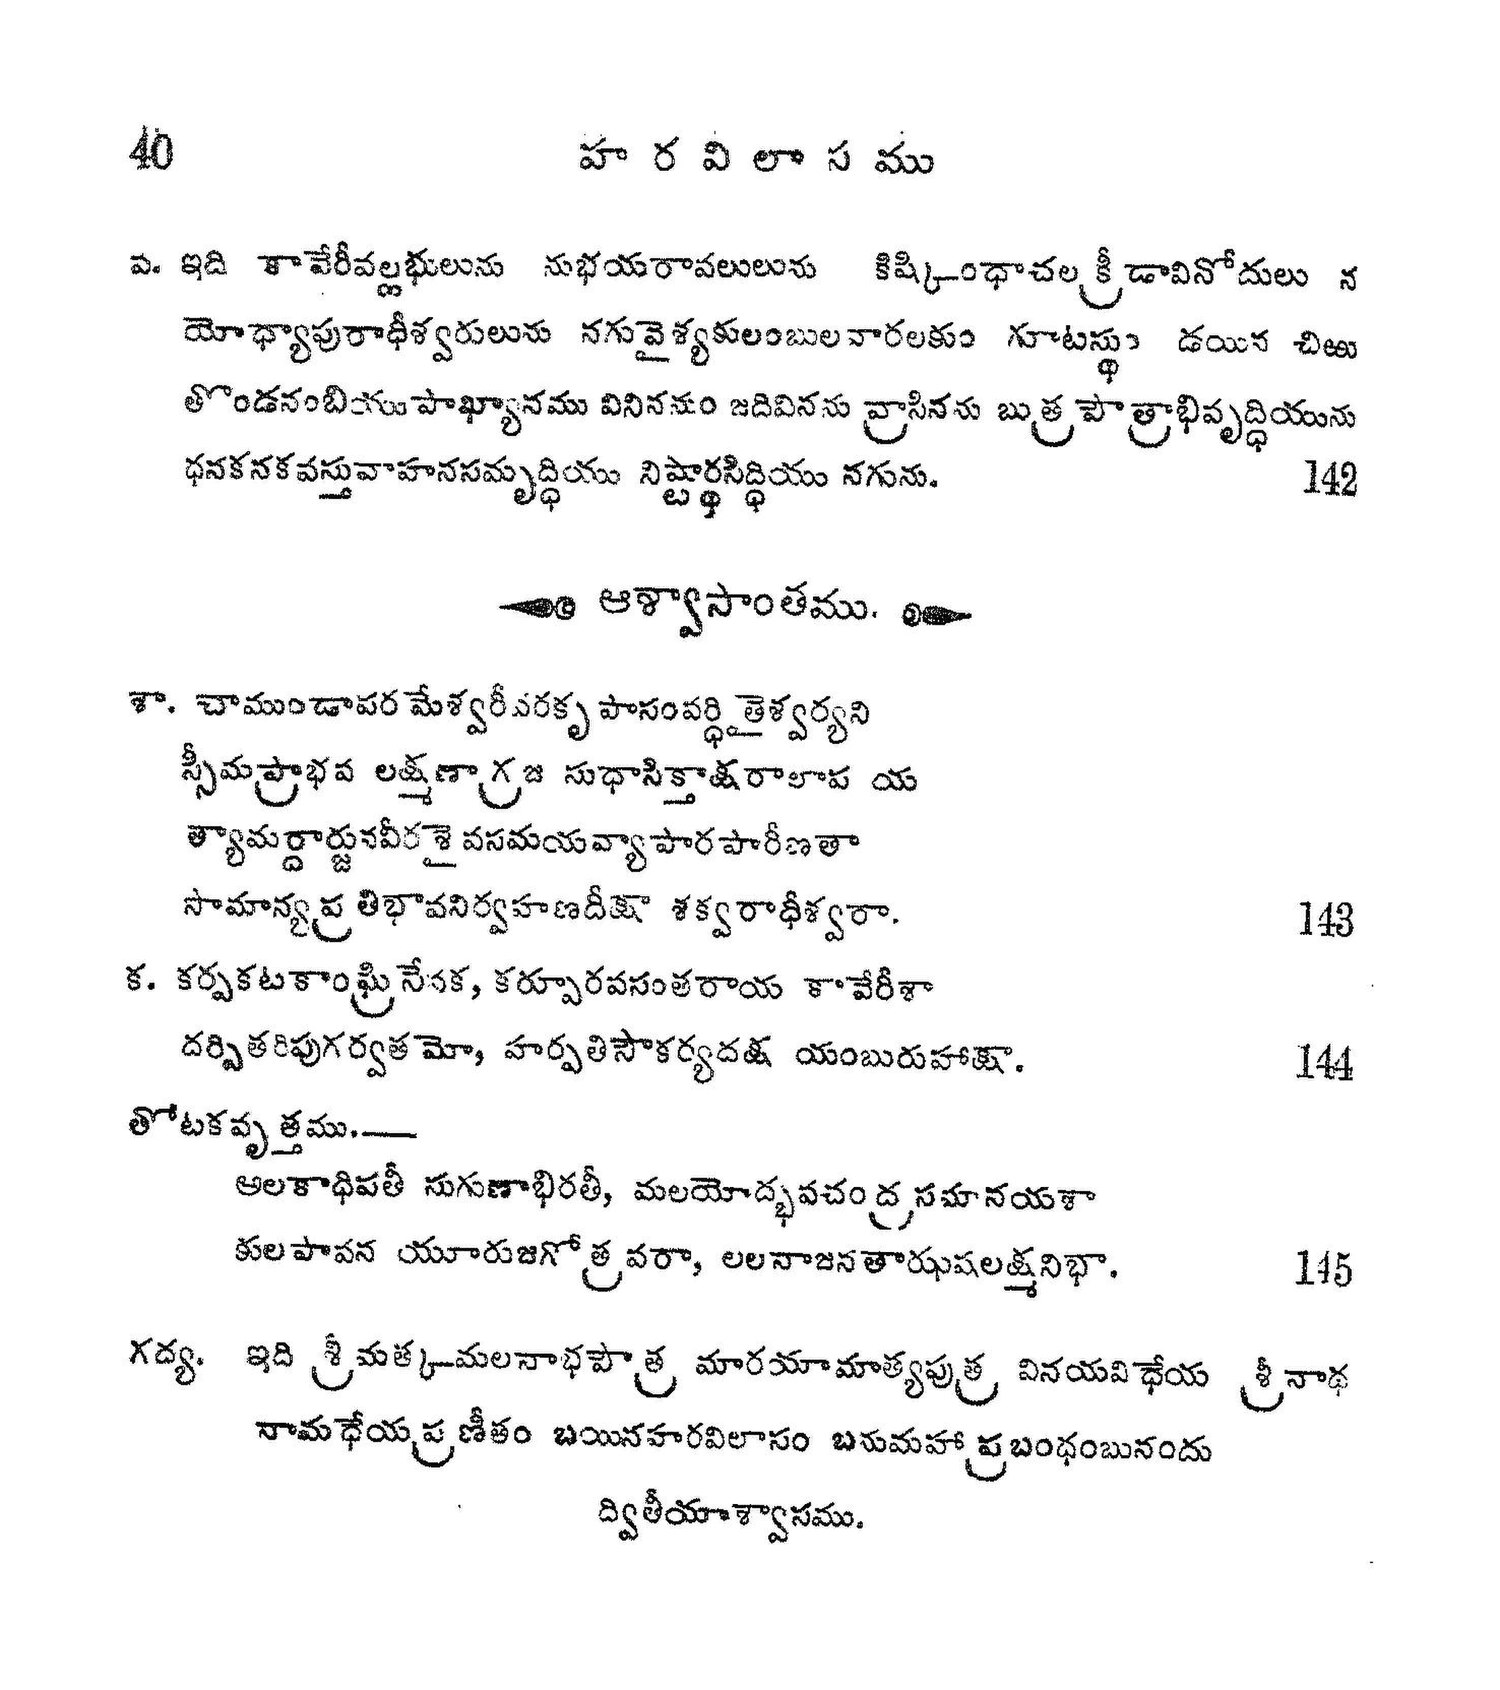వ. ఇది కావేరీవల్లభులును నుభయరావలులును కిష్కింధాచలక్రీడావినోదులు నయోధ్యాపురాధీశ్వరులును నగువైశ్యకులంబులవారలకుం గూటస్థుండయిన చిఱుతొండనంబియుపాఖ్యానము వినిననుం జదివినను వ్రాసినను బుత్రపౌత్రాభివృద్ధియును ధనకనకవస్తువాహనసమృద్ధియు నిష్టార్థసిద్ధియు నగును. 142

శా. చాముండాపరమేశ్వరీవరకృపాసంవర్ధితైశ్వర్యని
స్సీమప్రాభవలక్ష్మణాగ్రజసుధాసిక్తాక్షరాలాపయ
త్యామర్దార్జునవీరశైవసమయవ్యాపారపారీణతా
సామాన్యప్రతిభావనిర్వహణదీక్షా శక్వరాధీశ్వరా. 143

క. కర్పకటకాంఘ్రిసేవక, కర్పూరవసంతరాయ కావేరీశా
దర్పితరిపుగర్వతమో, హర్పతిసౌకర్యదక్ష యంబురుహాక్షా. 144

తోటకవృత్తము—
అలకాధిపతీ సుగుణాభిరతీ, మలయోద్భవచంద్రసమానయశా
కులపావనయూరుజగోత్రవరా, లలనాజన తాఝషలక్ష్మనిభా. 145